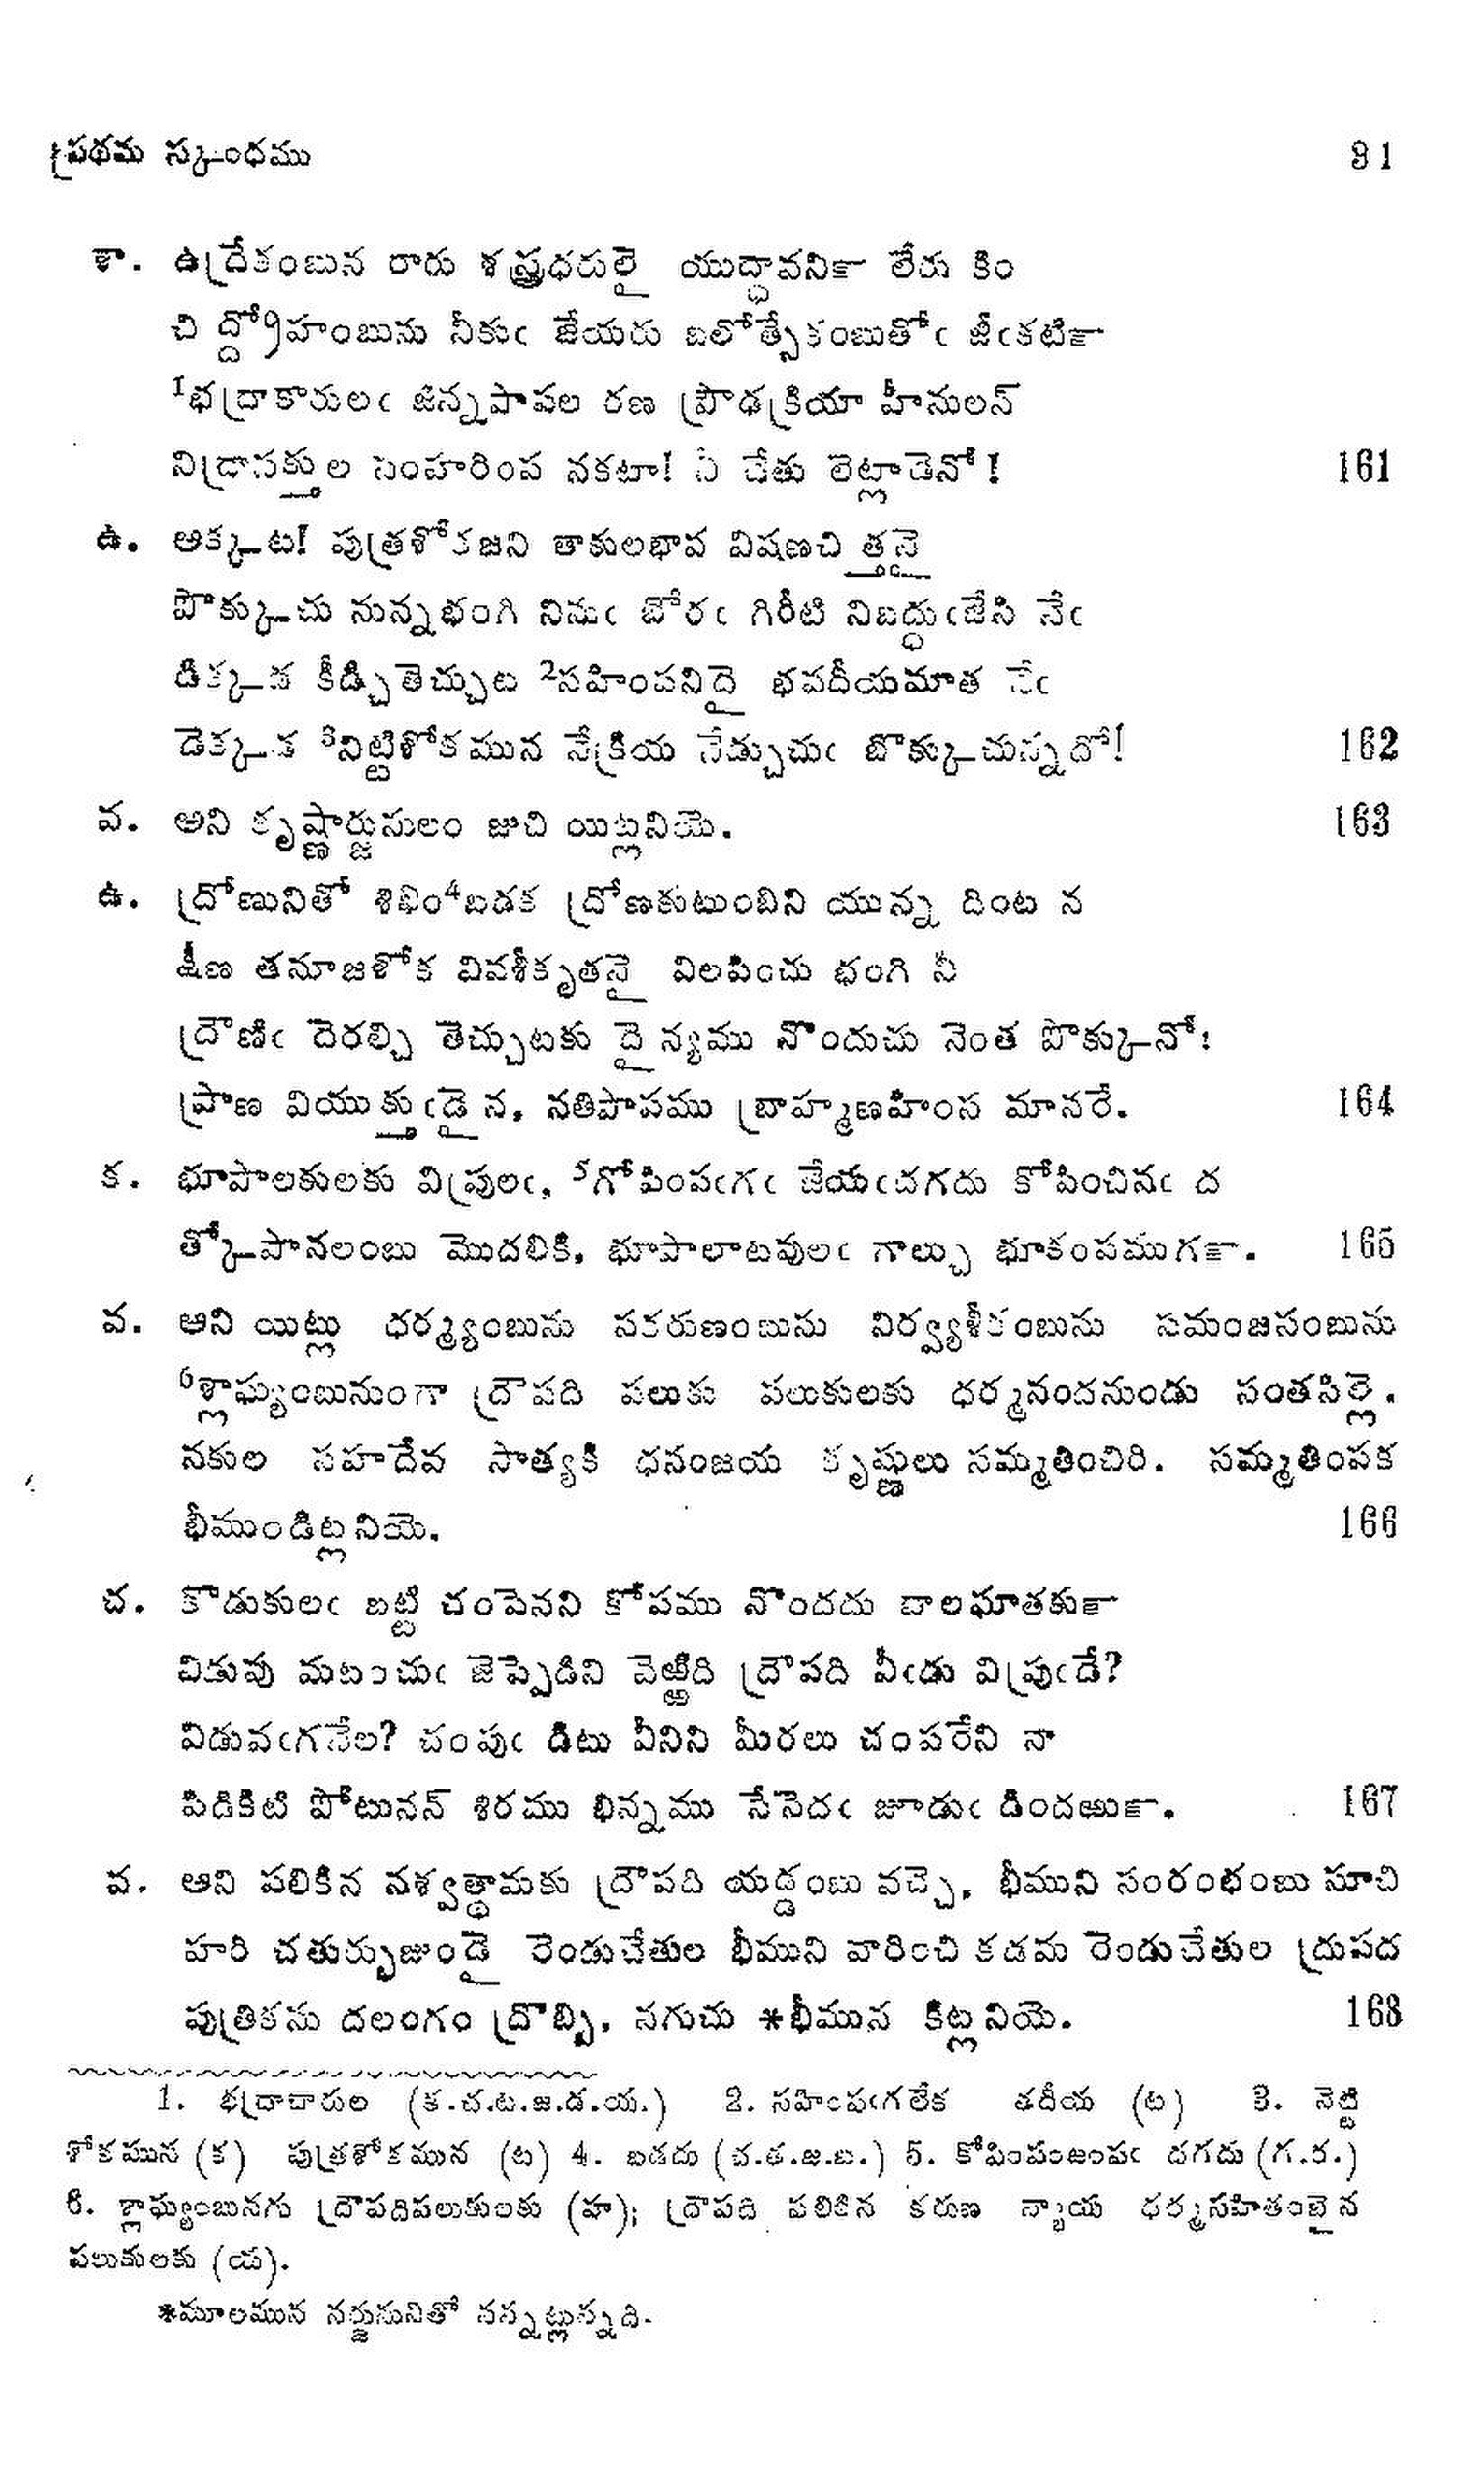31

శా. ఉద్రేకంబున రారు శస్త్రధరులై, యుద్ధావనిన్ లేరు, కిం

చిద్ ద్రోహంబును నీకుఁ జేయరు, బలోత్సేకంబుతోఁ జీఁకటిన్

భద్రాకారులఁ జిన్నిపాఁపల రణప్రౌఢక్రియాహీనులన్

నిద్రాసక్తుల సంహరింప నకటా ! నీ చేతు లెట్లాడెనో ? (1-161)

ఉ. అక్కట ! పుత్త్రశోకజనితాకులభావ విషణ్ణచిత్తనై

పొక్కుచు నున్న భంగి నినుఁ బోరఁ గిరీటి నిబద్ధుఁ జేసి నేఁ

డిక్కడ కీడ్చి తెచ్చుట సహింపనిదై భవదీయమాత నేఁ

డెక్కడ నిట్టి శోకమున నే క్రియ నేడ్చుచుఁ బొక్కుచున్నదో ? (1-162)

వ. అని కృష్ణార్జునులం జూచి యిట్లనియె. (1-163)

ఉ. ద్రోణునితో శిఖిం బడక ద్రోణ కుటుంబిని యున్నదింట, న

క్షీణ తనూజ శోక వివశీకృతనై విలపించు భంగి నీ

ద్రౌణిఁ దెరల్చి తెచ్చుటకు దైన్యము నొందుచు నెంత పొక్కునో

ప్రాణ వియుక్తుఁడైన నతిపాపము ; బ్రాహ్మణహింస మానరే ? (1-164)

కం. భూపాలకులకు విప్రులఁ , గోపింపఁగఁ జేయఁదగదు, కోపించినఁ ద

త్కోపానలంబు మొదలికి, భూపాలాటవులఁ గాల్చు భూకంపముగాన్. (1-165)

వ. అని యిట్లు ధర్మ్యంబును సకరుణంబును నిర్‌వ్యళీకంబును సమంజసంబును శ్లాఘ్యంబునుంగా ద్రౌపది పలుకు పలుకులకు ధర్మనందనుండు సంతసిల్లె. నకుల సహదేవ సాత్యకి ధనంజయ కృష్ణులు సమ్మతించిరి. సమ్మతింపక భీముం డిట్లనియె. (1-166)

చం. కొడుకులఁ బట్టి చంపెనని కోపము నొందదు, బాలఘాతుకున్

విడువు మటంచుఁ జెప్పెడిని, వెఱ్ఱిది ద్రౌపది, వీఁడు విప్రుఁడే ?

విడువఁగ నేల ? చంపుఁడిటు వీనిని మీరలు, చంపరేని నా

పిడికిటి పోటునన్ శిరము భిన్నము సేసెదఁ , జూడుఁ డిందఱున్. (1-167)

వ. అని పలికిన నశ్వత్థామకు ద్రౌపది యడ్డంబు వచ్చె. భీముని సంరంభంబు సూచి హరి చతుర్భుజుండై రెండు చేతుల భీముని వారించి కడమ రెండు చేతుల ద్రుపదపుత్త్రికను దలంగంద్రొబ్బి, నగుచు భీమునికిట్లనియె. (1-168)